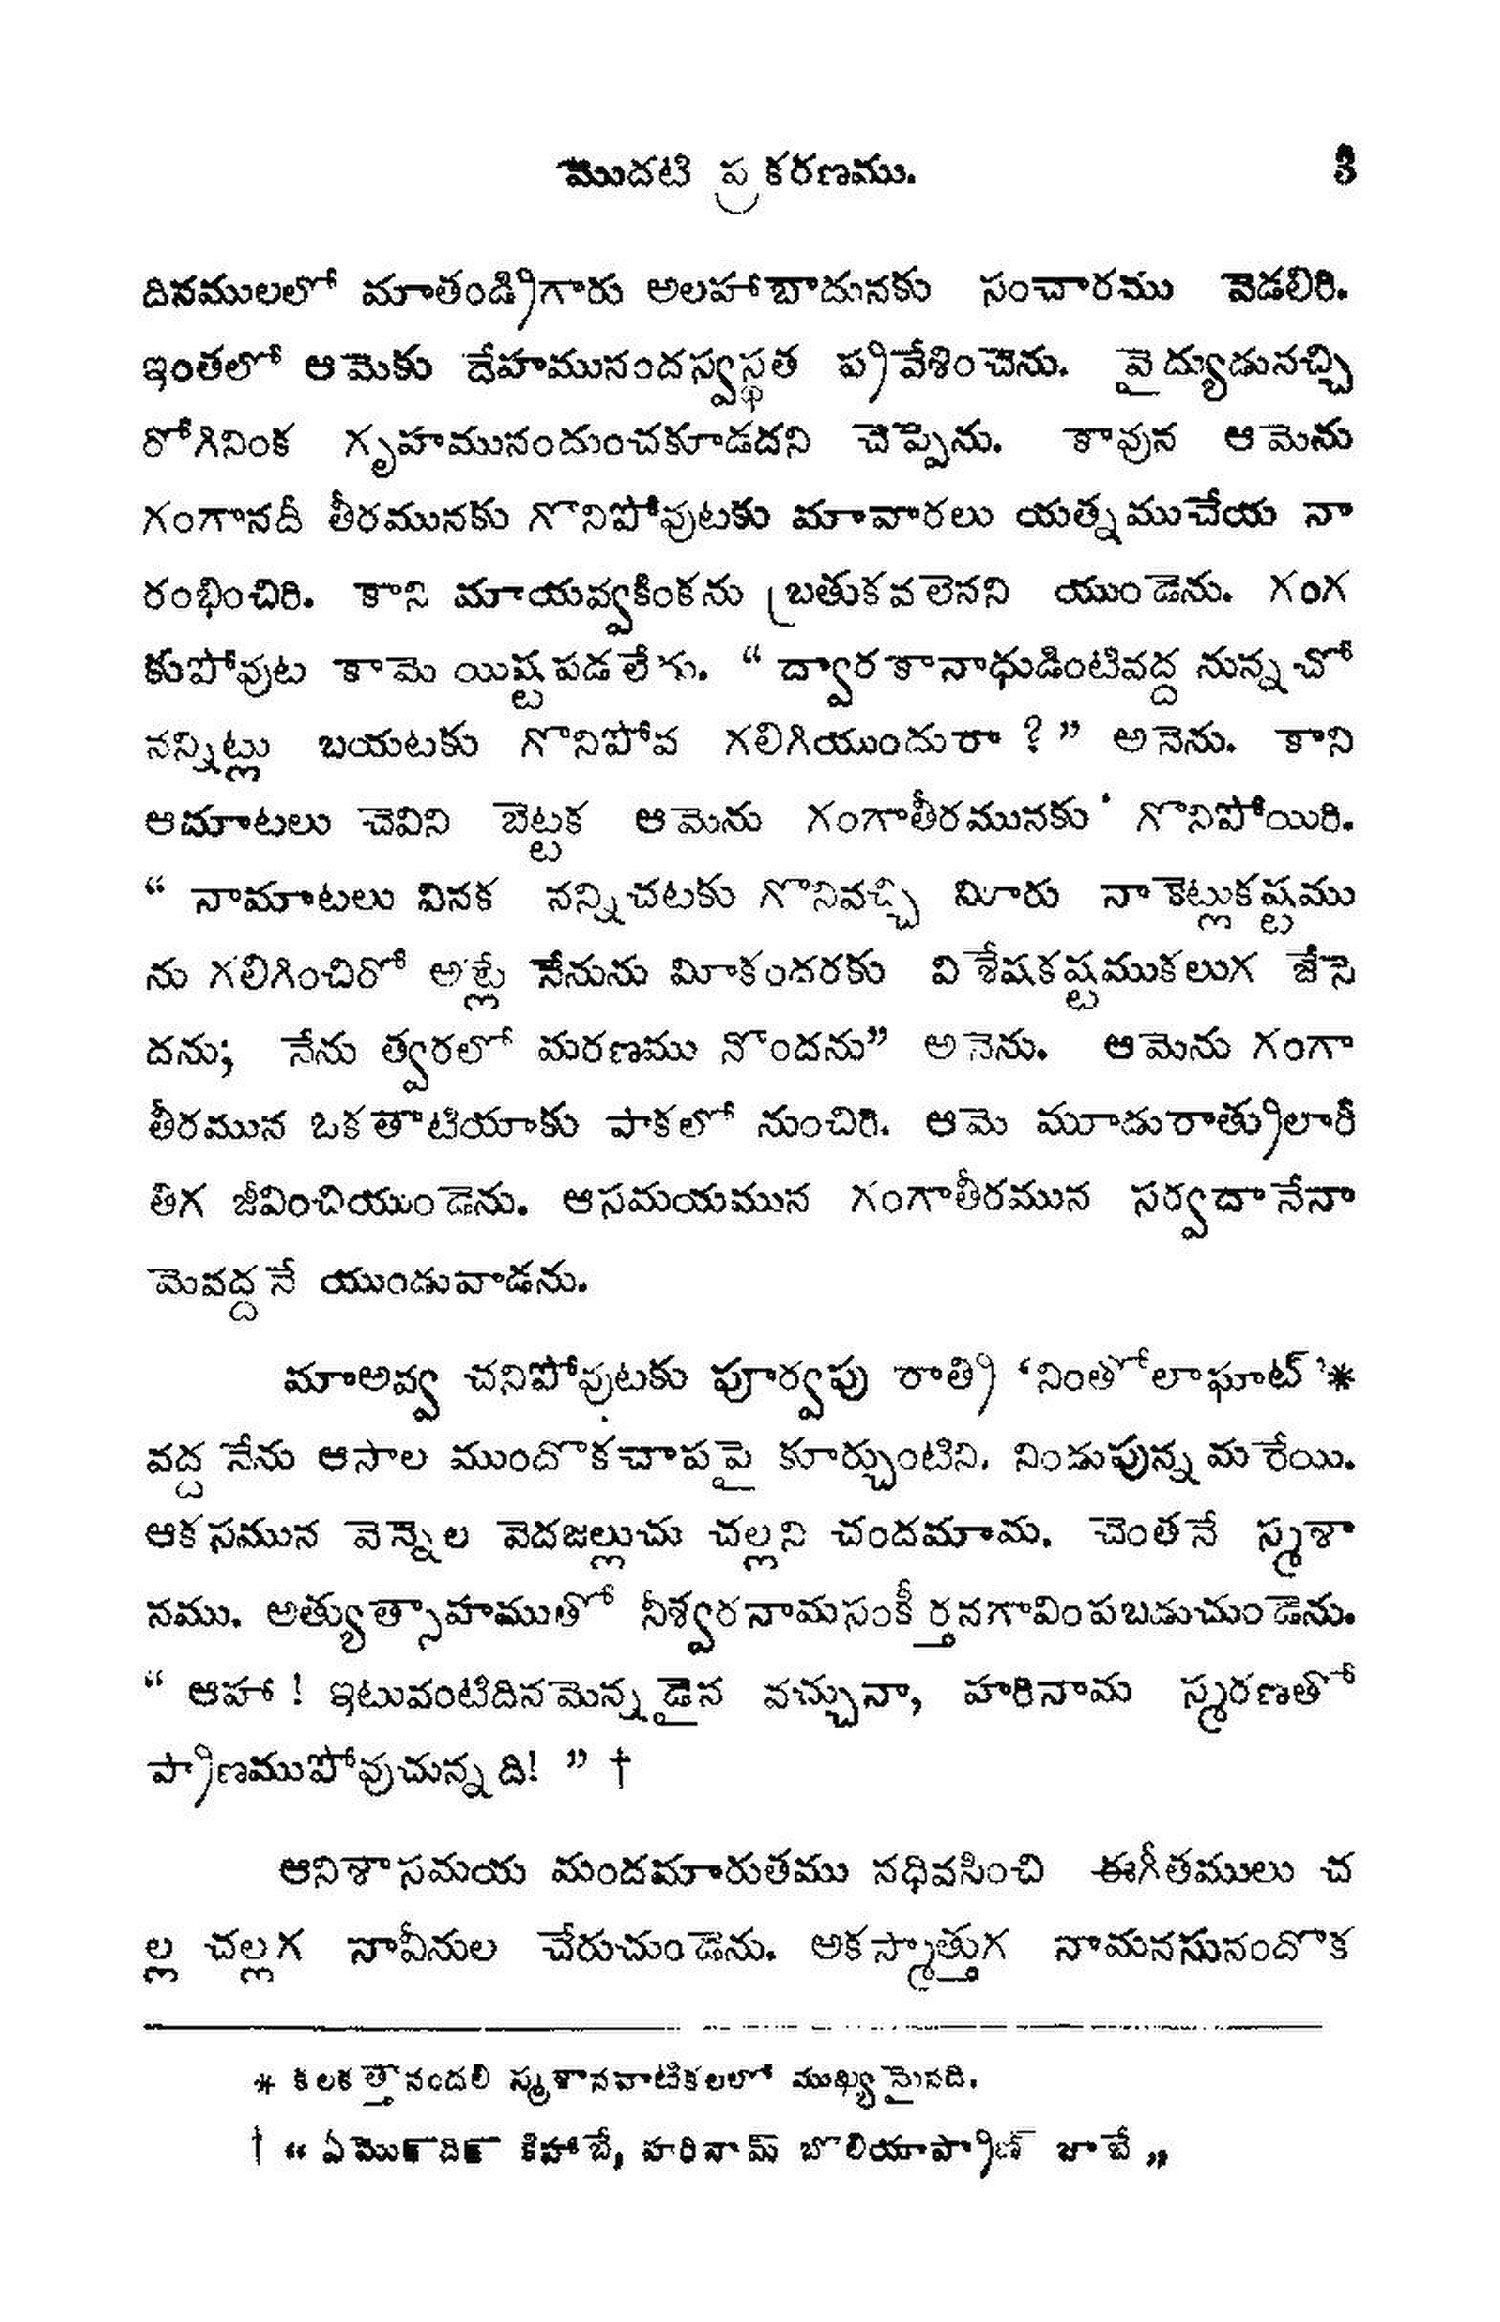దినములలో మాతండ్రిగారు అలహాబాదునకు సంచారము వెడలిరి. ఇంతలో ఆమెకు దేహమునందస్వస్థత ప్రవేశించెను. వైద్యుడువచ్చి రోగినింక గృహమునందుంచ కూడదని చెప్పెను. కావున ఆమెను గంగానదీ తీరమునకు గొని పోవుటకు మావారలు యత్నముచేయ నారంభించిరి. కాని మాయవ్వకింకను బ్రతుకవలెనని యుండెను. గంగకుపోవుట కామె యిష్టపడలేదు. “ద్వారకానాధుడింటివద్ద నున్నచో నన్నిట్లు బయటకు గొనిపోవ గలిగియుందురా?” అనెను. కాని ఆమాటలు చెవిని బెట్టక ఆమెను గంగాతీరమునకు గొనిపోయిరి. “నామాటలు వినక నన్నిచటకు గొనివచ్చి మీరు నాకెట్లు కష్టమును గలిగించిరో అట్లే నేనును మీకందరకు విశేషకష్టముకలుగ జేసెదను; నేను త్వరలో మరణము నొందను” అనెను. ఆమెను గంగాతీరమున ఒక తాటియాకు పాకలో నుంచిరి. ఆమె మూడు రాత్రులారీతిగ జీవించి యుండెను. ఆ సమయమున గంగాతీరమున సర్వదా నేనామెవద్దనే యుండువాడను.

మాఅవ్వ చనిపోవుటకు పూర్వపు రాత్రి ‘నింతోలాఘాట్’• వద్ద నేను ఆసాల ముందొక చాపపై కూర్చుంటిని. నిండుపున్నమరేయి. ఆకసమున వెన్నెల వెదజల్లుచు చల్లని చందమామ. చెంతనే స్మశానము. అత్యుత్సాహముతో నీశ్వరనామ సంకీర్తనగావింపబడుచుండెను. “ఆహా! ఇటువంటిదినమెన్నడైన వచ్చునా, హరినామస్మరణతో ప్రాణము పోవుచున్నది!” t

ఆనిశాసమయ మందమారుతము నధివసించి ఈగీతములు చల్లగ నావీనుల చేరుచుండెను. అకస్మాత్తుగ నామనసునందొక